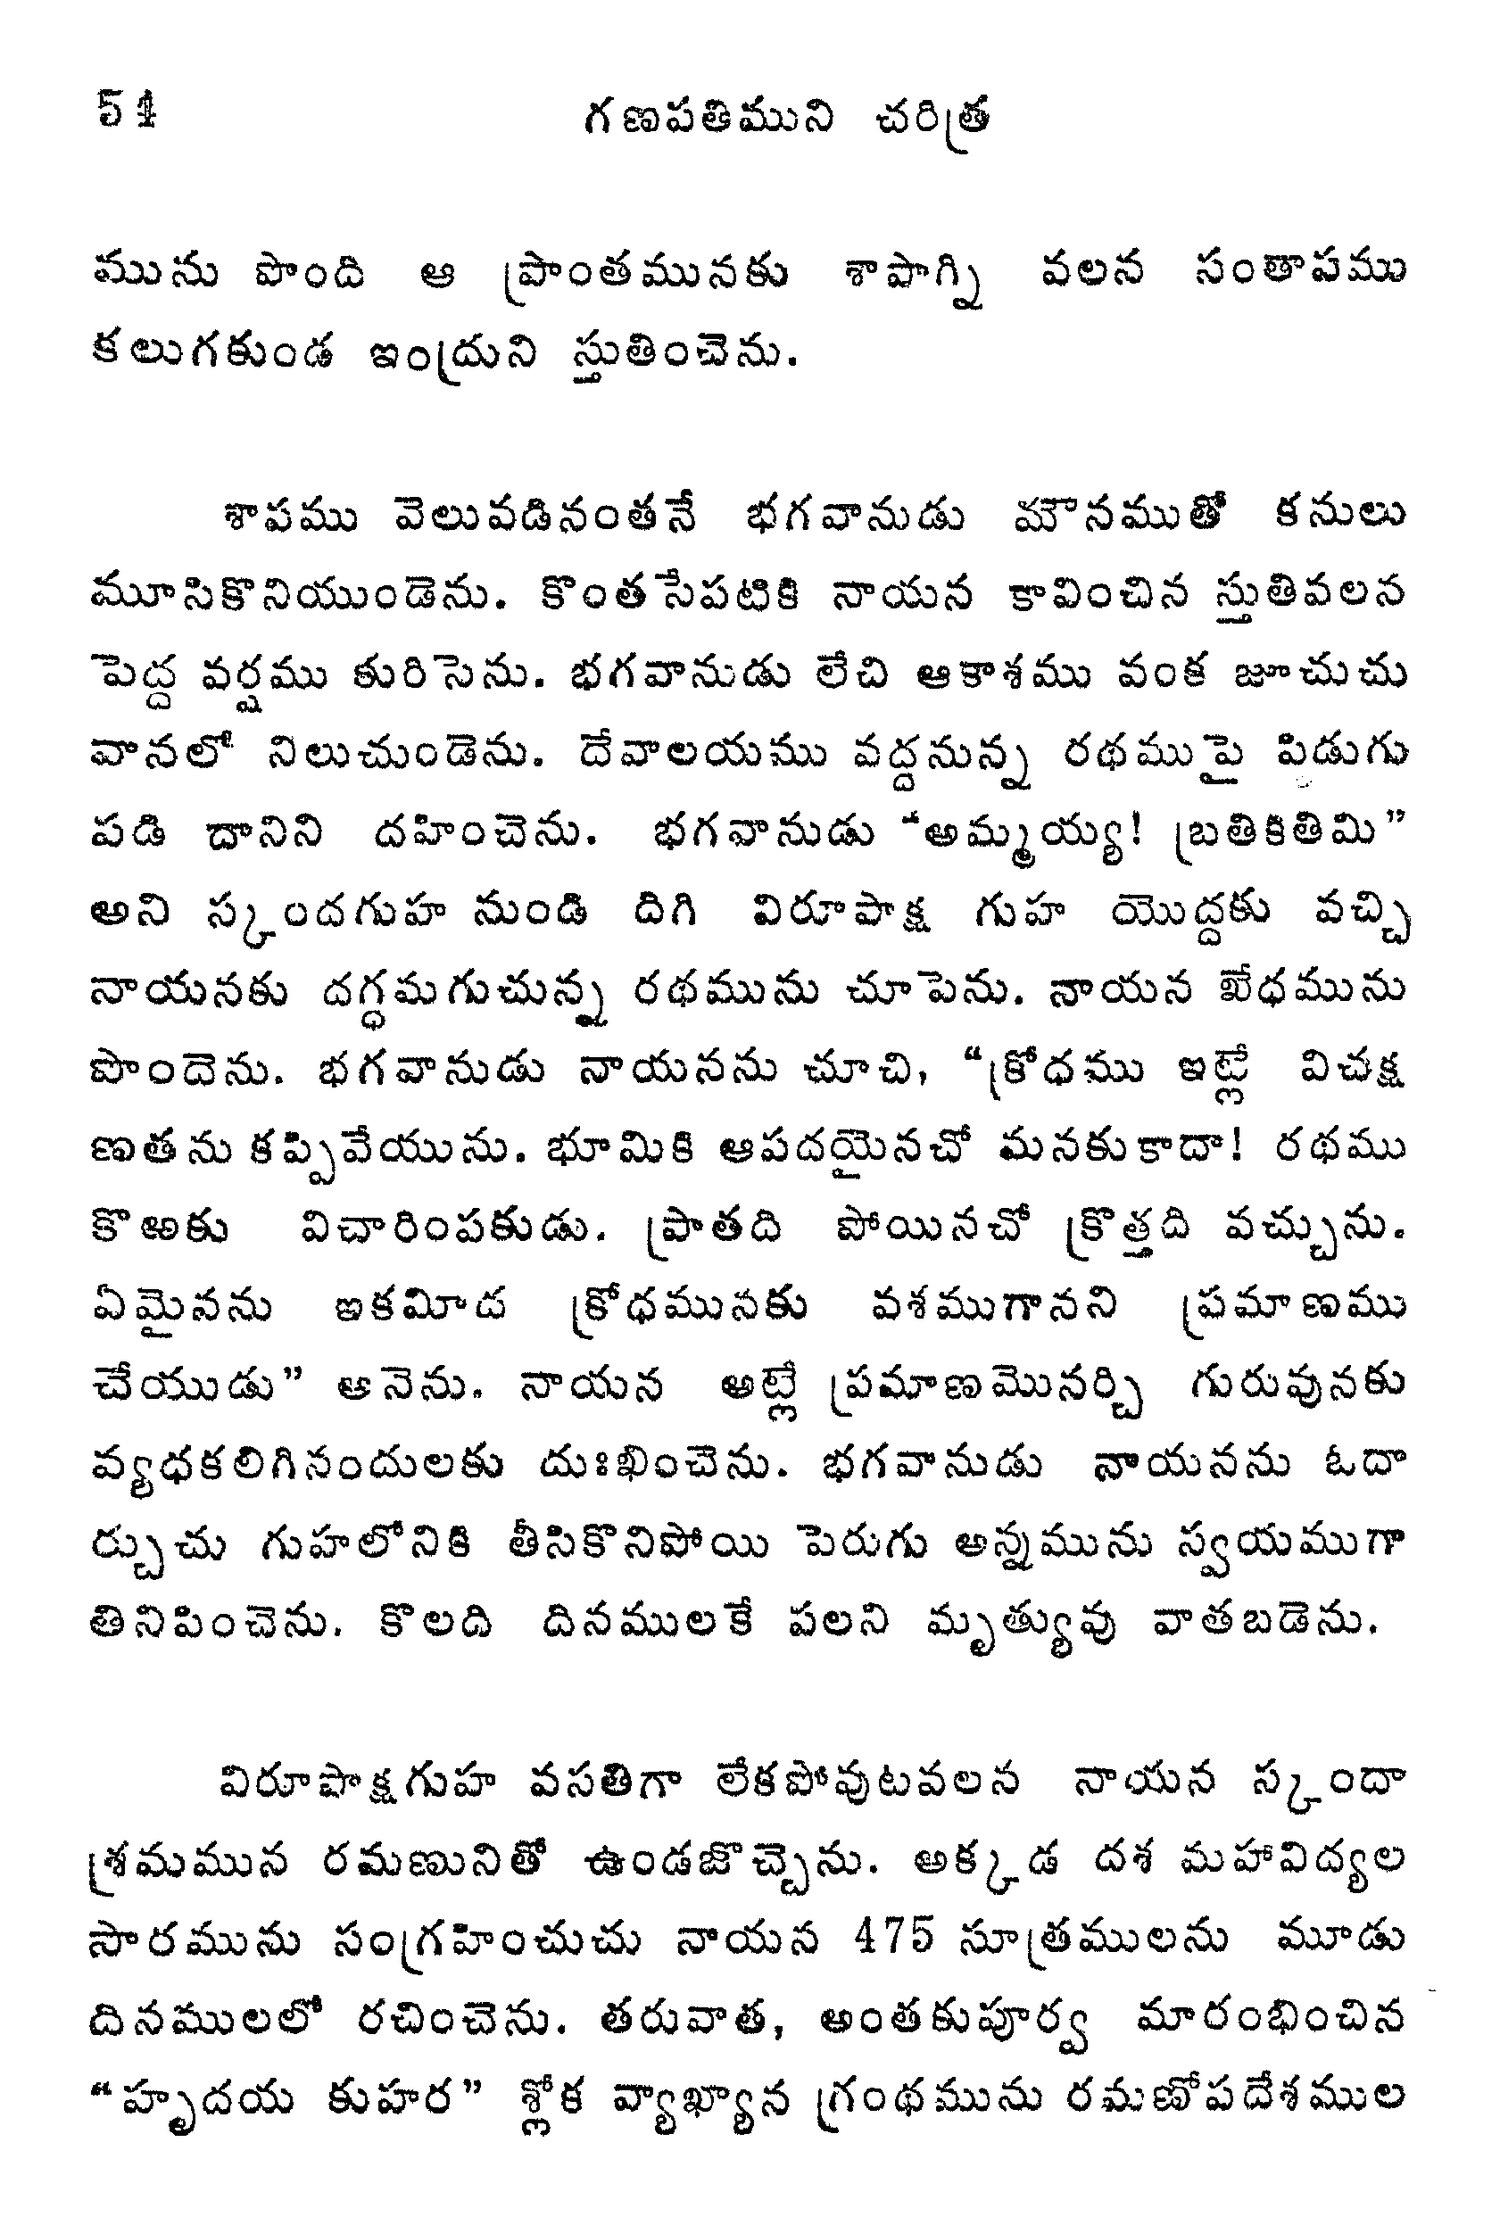మును పొంది ఆ ప్రాంతమునకు శాపాగ్ని వలన సంతాపము కలుగకుండ ఇంద్రుని స్తుతించెను.

శాపము వెలువడినంతనే భగవానుడు మౌనముతో కనులు మూసికొనియుండెను. కొంతసేపటికి నాయన కావించిన స్తుతివలన పెద్ద వర్షము కురిసెను. భగవానుడు లేచి ఆకాశము వంక జూచుచు వానలో నిలుచుండెను. దేవాలయము వద్దనున్న రథముపై పిడుగు పడి దానిని దహించెను. భగవానుడు "అమ్మయ్య! బ్రతికితిమి" అని స్కందగుహ నుండి దిగి విరూపాక్ష గుహ యొద్దకు వచ్చి నాయనకు దగ్ధమగుచున్న రథమును చూపెను. నాయన ఖేధమును పొందెను. భగవానుడు నాయనను చూచి, "క్రోధము ఇట్లే విచక్షణతను కప్పివేయును. భూమికి ఆపదయైనచో మనకు కాదా! రథము కొఱకు విచారింపకుడు. ప్రాతది పోయినచో క్రొత్తది వచ్చును. ఏమైనను ఇకమీద క్రోధమునకు వశముగానని ప్రమాణము చేయుడు" అనెను. నాయన అట్లే ప్రమాణమొనర్చి గురువునకు వ్యధకలిగినందులకు దు:ఖించెను. భగవానుడు నాయనను ఓదార్చుచు గుహలోనికి తీసికొనిపోయి పెరుగు అన్నమును స్వయముగా తినిపించెను. కొలది దినములకే పలని మృత్యువు వాతబడెను.

విరూపాక్షగుహ వసతిగా లేకపోవుటవలన నాయన స్కందాశ్రమమున రమణునితో ఉండజొచ్చెను. అక్కడ దశ మహావిద్యలసారమును సంగ్రహించుచు నాయన 475 సూత్రములను మూడు దినములలో రచించెను. తరువాత, అంతకుపూర్వ మారంభించిన "హృదయ కుహర" శ్లోక వ్యాఖ్యాన గ్రంథమును రమణోపదేశముల